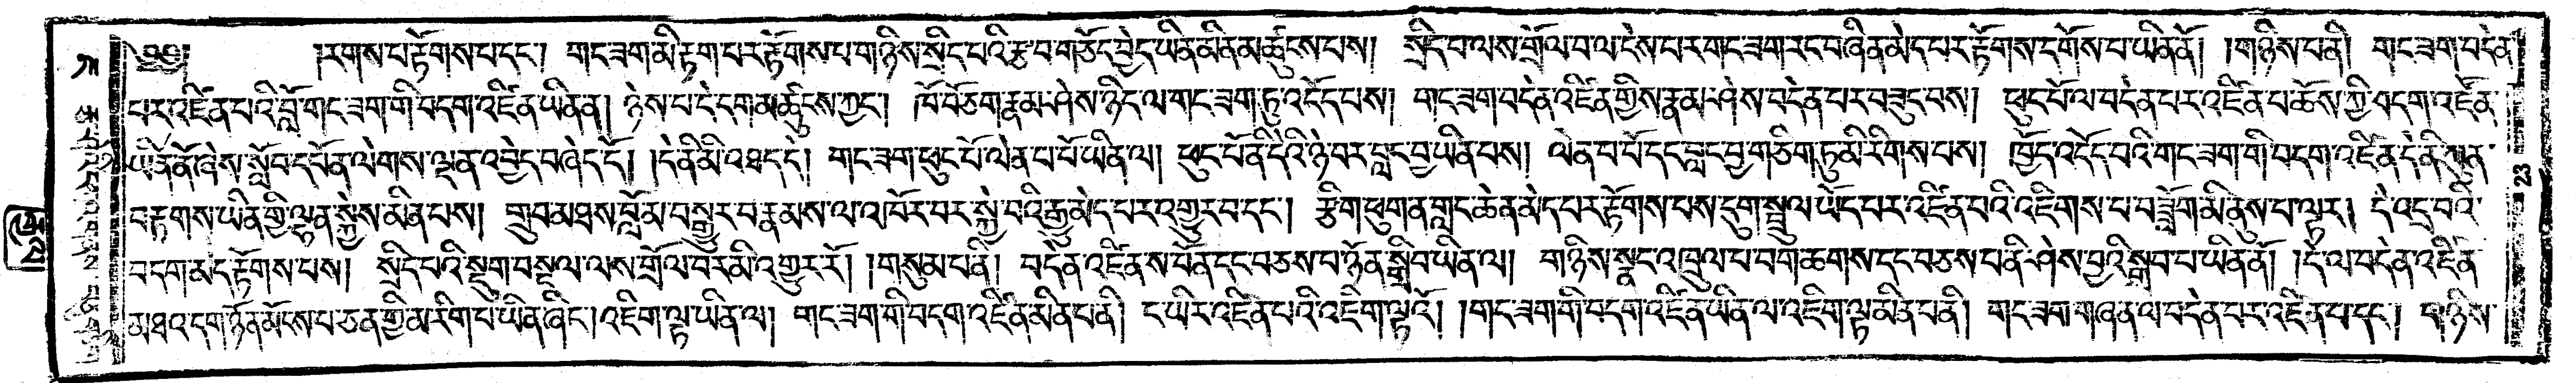༄༅། །རགས་པ་རྟོགས་པ་དང་། གང་ཟག་མི་རྟག་པར་རྟོགས་པ་གཉིས་སྲིད་པའི་རྩ་བ་གཅོད་བྱེད་ཡིན་མིན་མཚུངས་པས། སྲིད་པ་ལས་གྲོལ་བ་ལ་ངེས་པར་གང་ཟག་རང་བཞིན་མེད་པར་རྟོགས་དགོས་པ་ཡིན་ནོ། །གཉིས་པ་ནི། གང་ཟག་བདེན་
པར་འཛིན་པའི་བློ་གང་ཟག་གི་བདག་འཛིན་ཡིན་ན། ཉེས་པ་དེ་དག་མཚུངས་ཀྱང་། ཁོ་བོ་ཅག་རྣམ་ཤེས་ཉིད་ལ་གང་ཟག་ཏུ་འདོད་པས། གང་ཟག་བདེན་འཛིན་གྱིས་རྣམ་ཤེས་བདེན་པར་བཟུང་བས། ཕུང་པོ་ལ་བདེན་པར་འཛིན་པ་ཆོས་ཀྱི་བདག་འཛིན་
ཡིན་ནོ་ཞེས་སློབ་དཔོན་ལེགས་ལྡན་འབྱེད་བཞེད་དོ། །དེ་ནི་མི་འཐད་དེ། གང་ཟག་ཕུང་པོ་ལེན་པ་པོ་ཡིན་ལ། ཕུང་པོ་ནི་དེའི་ཉེ་བར་བླང་བྱ་ཡིན་པས། ལེན་པ་པོ་དང་བླང་བྱ་གཅིག་ཏུ་མི་རིགས་པས། ཁྱོད་འདོད་པའི་གང་ཟག་གི་བདག་འཛིན་དེ་ནི་ཀུན་
བརྟགས་ཡིན་གྱི་ལྷན་སྐྱེས་མིན་པས། གྲུབ་མཐས་བློ་མ་བསྒྱུར་བ་རྣམས་ལ་འཁོར་བར་སྐྱེ་བའི་རྒྱུ་མེད་པར་འགྱུར་བ་དང་། རྩིག་ཕུག་ན་གླང་ཆེན་མེད་པར་རྟོགས་པས་དུག་སྦྲུལ་ཡོད་པར་འཛིན་པའི་འཇིགས་པ་བཟློག་མི་ནུས་པ་ལྟར། དེ་འདྲ་བའི་
བདག་མེད་རྟོགས་པས། སྲིད་པའི་སྡུག་བསྔལ་ལས་གྲོལ་བར་མི་འགྱུར་རོ། །གསུམ་པ་ནི། བདེན་འཛིན་ས་བོན་དང་བཅས་པ་ཉོན་སྒྲིབ་ཡིན་ལ། གཉིས་སྣང་འཁྲུལ་པ་བག་ཆགས་དང་བཅས་པ་ནི་ཤེས་བྱའི་སྒྲུབ་པ་ཡིན་ནོ། །དེ་ལ་བདེན་འཛིན་
མཐའ་དག་ཉོན་མོངས་པ་ཅན་གྱི་མ་རིག་པ་ཡིན་ཞིང་། འཇིག་ལྟ་ཡིན་ལ། གང་ཟག་གི་བདག་འཛིན་མིན་པ་ནི། ང་ཡིར་འཛིན་པའི་འཇིག་ལྟའོ། །གང་ཟག་གི་བདག་འཛིན་ཡིན་ལ་འཇིག་ལྟ་མིན་པ་ནི། གང་ཟག་གཞན་ལ་བདེན་པར་འཛིན་པ་དང་། གཉིས་